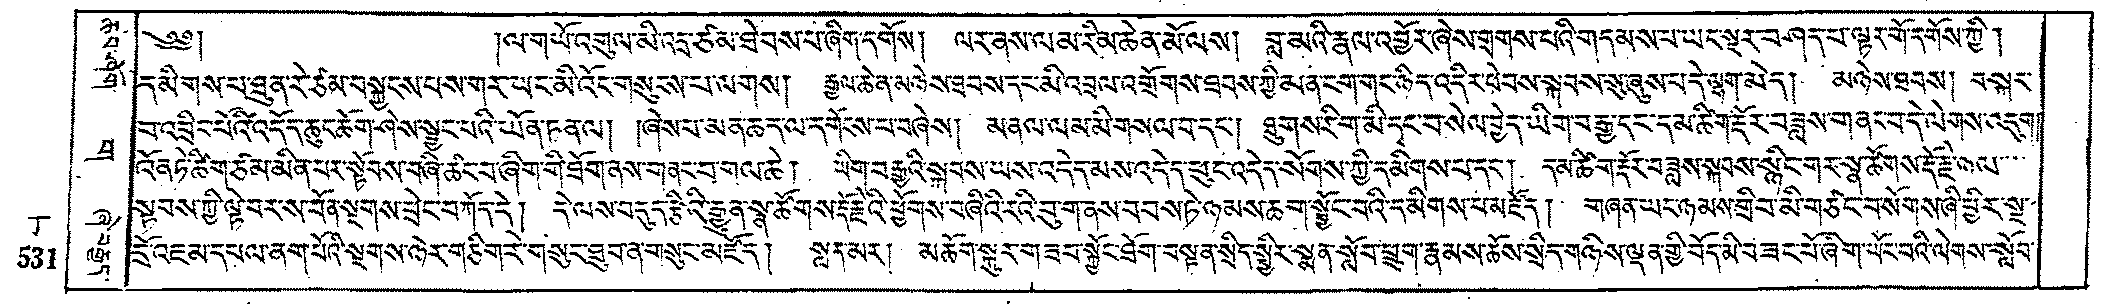༄༅། །ལ་གཡོ་འགུལ་མི་འདྲ་ཙམ་ཐེབས་པ་ཞིག་དགོས། ལར་ནས་ལམ་རིམ་ཆེན་མོ་ལས། བླ་མའི་རྣལ་འབྱོར་ཞེས་གྲགས་པའི་གདམས་པ་ཡང་སྔར་བཤད་པ་ལྟར་གོ་དགོས་ཀྱི།
དམིགས་པ་ཐུན་རེ་ཙམ་བསྐྱངས་པས་གར་ཡང་མི་འོང་གསུངས་པ་ལགས། རྒྱལ་ཆེན་མཉེས་ཐབས་དང་མི་འབྲལ་འགྲོགས་ཐབས་ཀྱི་མན་ངག་གང་ཉིད་འདིར་ཕེབས་སྐབས་སུ་ཞུས་པ་དེ་ལྷག་མེད། མཉེས་ཐབས། བསྐད་
བ་འབྲིང་པོའི་འདོད་ཆུང་ཆོག་ཤེས་སྦྱང་པའི་ཡོན་ཏན་ལ། །ཞེས་པ་མན་ཆད་ལ་དགོངས་པ་བཞེས། མནལ་ལམ་མི་གསལ་བ་དང་། ཐུགས་རིག་མི་དྭང་བ་སེལ་བྱེད་ཡིག་བརྒྱ་དང་དམ་ཚིག་རྡོར་བཟླས་གནང་བ་དེ་ལེགས་འདུག །
འོན་ཏེ་ཚིག་ཙམ་མིན་པར་སྟོབས་བཞི་ཚང་བ་ཞིག་གི་ཐོག་ནས་གནང་བ་གལ་ཆེ། ཡིག་བརྒྱའི་སྐབས་ཡས་འདེད་མས་འདེད་ཕུང་འདེད་སོགས་ཀྱི་དམིགས་པ་དང་། དམ་ཚིག་རྡོར་བཟླས་སྐབས་སྙིང་གར་སྣ་ཚོགས་རྡོ་རྗེ་ཉལ་་་
སྟབས་ཀྱི་ལྟེ་བར་ས་བོན་སྔགས་ཕྲེང་བཀོད་དེ། དེ་ལས་བདུད་རྩིའི་རྒྱུན་སྣ་ཚོགས་རྡོ་རྗེའི་ཕྱོགས་བཞིའི་རའི་བུ་ག་ནས་བབས་ཏེ་ཉམས་ཆག་སྦྱོང་བའི་དམིགས་པ་མཛོད། གཞན་ཡང་ཉམས་གྲིབ་མི་གཙང་བ་སོགས་ཞི་ཕྱིར་སྔ་
དྲོ་འཇམ་དཔལ་ནག་པོའི་སྔགས་ཉེར་གཅིག་རེ་གསུང་ཐུབ་ན་གསུང་མཛོད། སླད་མར། མཆོག་སྐུར་གཟབ་སྐྱོང་ཐོག་བསྟན་སྲིད་སྤྱིར་སྨན་སློབ་ཕྲུག་རྣམས་ཆོས་སྲིད་གཉིས་ལྡན་གྱི་བོད་མི་བཟང་པོ་ཞིག་ཡོང་བའི་ལེགས་སློབ་